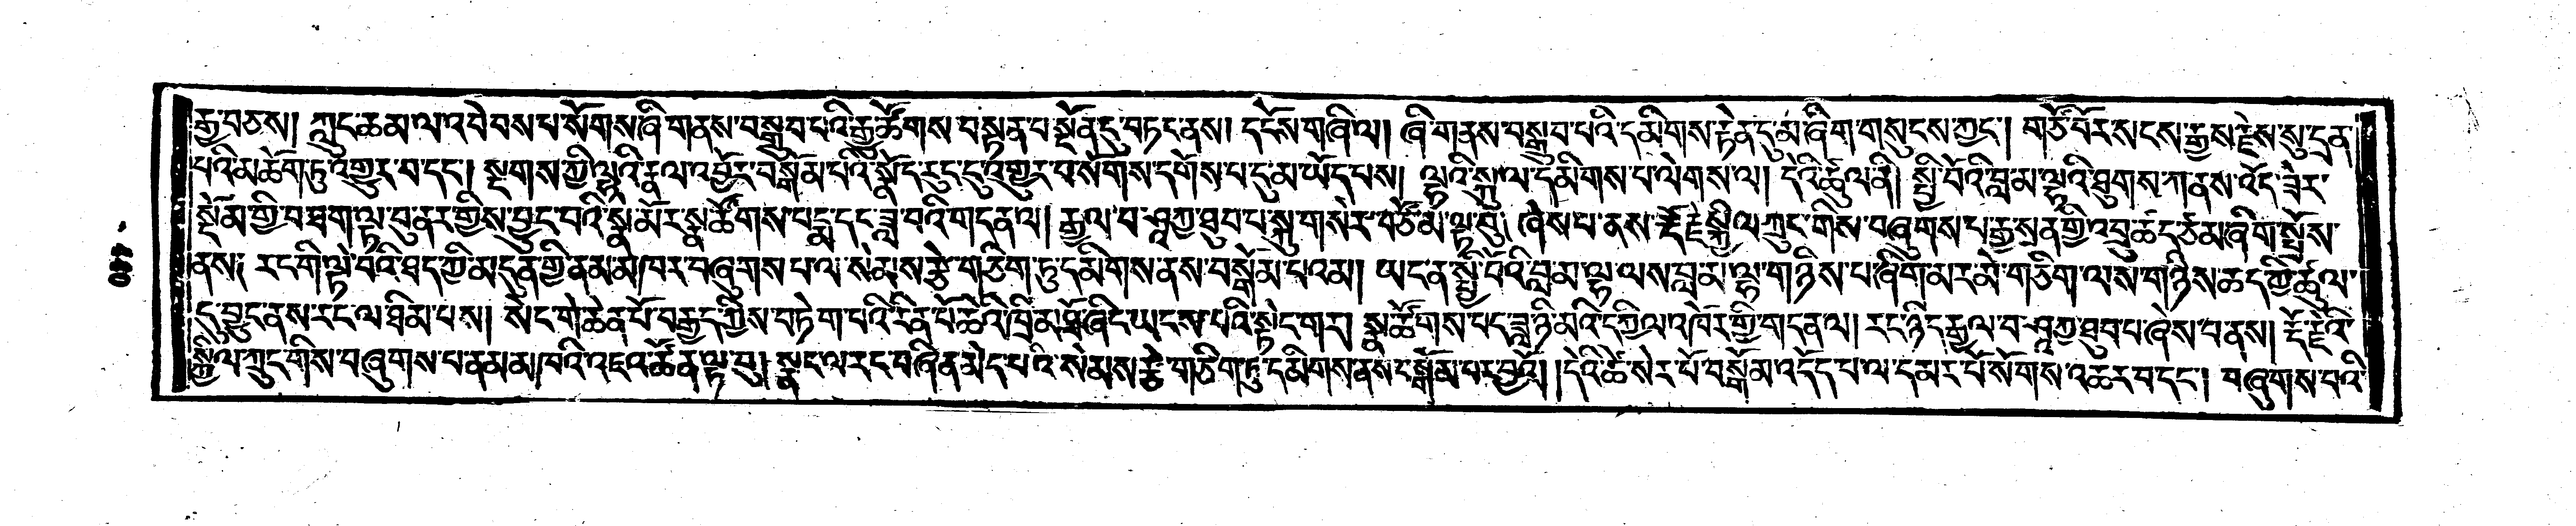རྒྱ་བཅས། ཀླུང་ཆམ་ལ་འབེབས་པ་སོགས་ཞི་གནས་བསྒྲུབ་པའི་རྒྱུ་ཚོགས་བསྟན་པ་སྔོན་བུ་བཏང་ནས། དངོས་གཞི་ལ། ཞི་གནས་བསྒྲུབ་པའི་དམིགས་རྟེན་དུ་མ་ཞིག་གསུངས་ཀྱང་། གཙོ་བོར་སངས་རྒྱས་རྗེས་སུ་དྲན་
པའི་མཆོག་ཏུ་འགྱུར་བ་དང་། སྔགས་ཀྱི་ལྷའི་རྣལ་འབྱོར་བསྒོམ་པའི་སྣོད་རུང་དུ་འགྱུར་བ་སོགས་དགོས་པ་དུ་མ་ཡོད་པས། ལྷའི་སྐུ་ལ་དམིགས་པ་ལེགས་ལ། དེའི་ཚུལ་ནི། སྤྱི་བོའི་བླ་མ་ལྷའི་ཐུགས་ཀ་ནས་འོད་ཟེར་
སྡོམ་གྱི་བ་ཐག་ལྟ་བུ་ནར་གྱིས་བྱུང་བའི་སྣེ་མོར་སྣ་ཚོགས་པདམ་དང་ཟླ་བའི་གདན་ལ། རྒྱལ་བ་ཤཱཀྱ་ཐུབ་པ་སྐུ་གསེར་བཙོ་མ་ལྟ་བུ། ཞེས་པ་ནས། རྡོ་རྗེ་སྐྱིལ་ཀྲུང་གིས་བཞུགས་པ་རྒྱ་སྲན་གྱི་འབྲུ་ཚད་ཙམ་ཞིག་སྤྲོས་
ནས༑ རང་གི་ལྟེ་བའི་ཐད་ཀྱི་མདུན་གྱི་ནམ་མཁར་བཞུགས་པ་ལ་སེམས་རྩེ་གཅིག་ཏུ་དམིགས་ནས་བསྒོམ་པའམ། ཡང་ན་སྤྱི་བོའི་བླ་མ་ལྷ་ལས་བླ་མ་ལྷ་གཉིས་པ་ཞིག་མར་མེ་གཅིག་ལས་གཉིས་ཆད་ཀྱི་ཚུལ་
དུ་བྱུང་ནས་རང་ལ་ཐིམ་པས། སེང་གེ་ཆེན་པོ་བརྒྱད་ཀྱིས་བཏེག་པའི་རིན་པོ་ཆེའི་ཁྲི་མཐོ་ཞིང་ཡངས་པའི་སྟེང་གར། སྣ་ཚོགས་པད་ཟླ་ཉི་མའི་དཀྱིལ་འཁོར་གྱི་གདན་ལ། རང་ཉིད་རྒྱལ་བ་ཤཱཀྱ་ཐུབ་པ་ཞེས་པ་ནས། རྡོ་རྗེའི་
སྐྱིལ་ཀྲུང་གིས་བཞུགས་པ་ནམ་མཁའི་འཇའ་ཚོན་ལྟ་བུ། སྣང་ལ་རང་བཞིན་མེད་པ་ལ་སེམས་རྩེ་གཅིག་ཏུ་དམིགས་ནས་བསྒོམ་པར་བྱའོ། །དེའི་ཚེ་སེར་པོ་བསྒོམ་འདོད་པ་ལ་དམར་པོ་སོགས་འཆར་བ་དང་། བཞུགས་པའི་